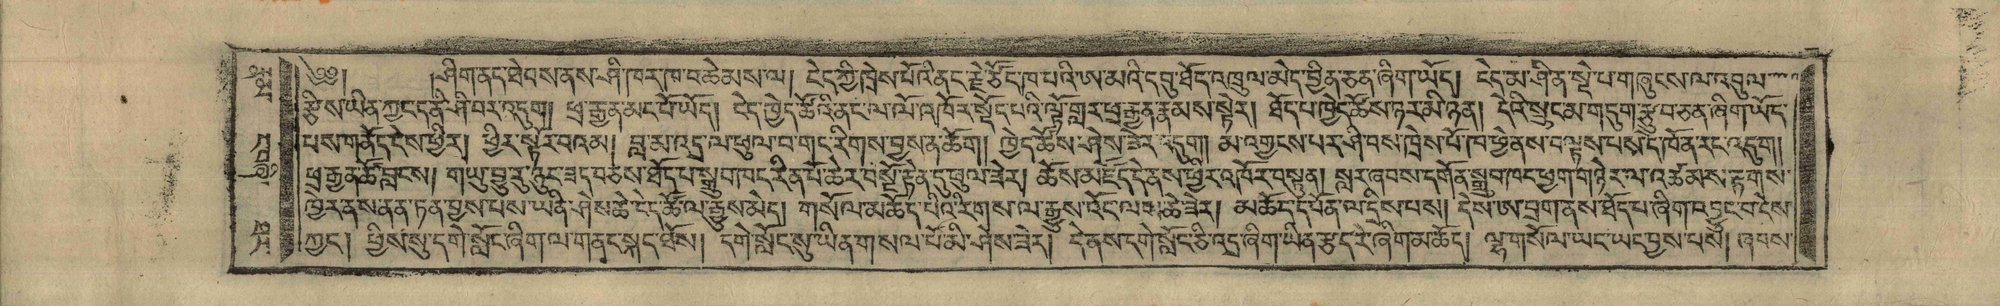༄༅། །ཤིག་ནད་ཐེབས་ནས་ཤི་ཁར་ཁ་འཆེམས་ལ། ངེད་ཀྱི་ཁྲེས་པོའི་ནང་རྗེ་ཙོང་ཁ་པའི་ཨ་མའི་དབུ་ཐོད་འཁྲུལ་མེད་བྱིན་ཅན་ཞིག་ཡོད། ངེད་མ་ཤིན་སྡེ་པ་གཞུངས་ལ་འབུལ་
རྩིས་ཡིན་ཀྱང་ད་ནི་ཤི་བར་འདུག །ཕྲ་རྒྱན་མང་པོ་ཡོད། ངེད་ཁྱེད་ཚོའི་ནང་ལ་ལོ་འཁོར་སྡོང་པའི་ལྟོ་གླར་ཕྲ་རྒྱན་རྣམས་སྟེར། ཐོད་པ་ཁྱེད་ཚོས་ཉར་མི་ཉན། དེའི་སྲུང་མ་གདུག་རྩུབ་ཅན་ཞིག་ཡོད་
པས་གནོད་ངེས་ཕྱིར། ཕྱིར་སྟོར་བའམ། བླ་མ་འདྲ་ལ་ཕུལ་བ་གང་རིགས་བྱས་ན་ཆོག །ཁྱེད་ཚོས་ཤེས་ཟེར་འདུག །མ་འགྱངས་པར་ཤི་བས་ཁྲེས་པོ་ཁ་ཕྱེ་ནས་བལྟས་པས་དེ་ཁོ་ན་རང་འདུག །
ཕྲ་རྒྱན་ཚོ་བླངས། གཡུ་བྱུ་རུ་ཉུང་ཟད་བཅས་ཐོད་པ་སྒྲུབ་ཁང་རིན་པོ་ཆེར་བསྔོ་རྟེན་དུ་ཕུལ་ཟེར། ཆོས་མཛོད་དེ་ནས་ཕྱིར་འཁོར་བསྟུན། སླར་ཞབས་དགོན་སྒྲུབ་ཁང་ཕྱག་གཉེར་ལ་འཚམས་རྟགས་
ཁྱེར་ནས་ནན་ཏན་བྱས་པས་ཡིན་ཤེས་ཆེ་ངེད་ཚོ་ལ་རྒྱུས་མེད། གསོལ་མཆོད་པའི་རིགས་ལ་རྒྱུས་འོང་ལས་ཆེ་ཟེར། མཆོད་དཔོན་ལ་དྲིས་པས། དེས་ཨ་བྲག་ནས་ཐོད་པ་ཞིག་འབྱུང་བ་ངེས་
ཀྱང་། ཕྱིས་སུ་དགེ་སློང་ཞིག་ལ་གནང་སྐད་ཐོས། དགེ་སློང་སུ་ཡིན་གསལ་པོ་མི་ཤེས་ཟེར། དེ་ནས་དགེ་སློང་ཅི་འདྲ་ཞིག་ཡིན་རྩད་རེ་ཞིག་མཆོད། ལྷ་གསོལ་ཡང་ཡང་བྱས་པས། ཞབས་